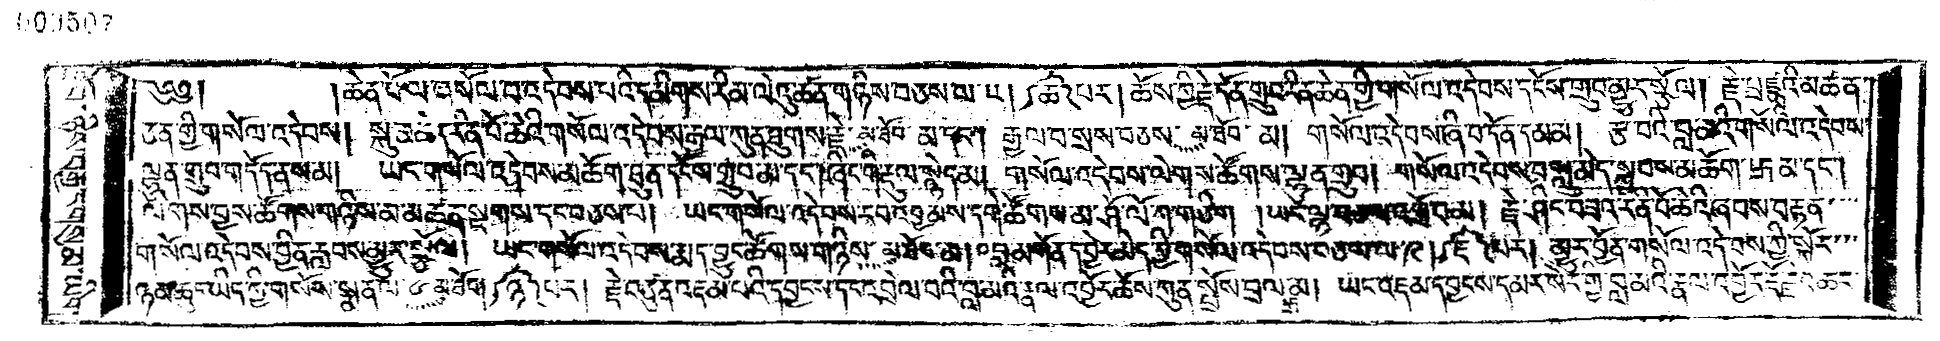༄༅། །ཆེན་པོ་ལ་གསོལ་བ་འདེབས་པའི་དམིགས་རིམ་ལེའུ་ཚན་གཉིས་བཅས་ལ ༥། ༼ཆ༽ པར། ཆོས་ཀྱི་རྗེ་དོན་གྲུབ་རིན་ཆེན་གྱི་གསོལ་འདེབས་དངོས་གྲུབ་མྱུར་སྩོལ། རྗེ་ཕྲཛྙཱའི་མཚན་
ཅན་གྱི་གསོལ་འདེབས། སྐུ་མཆེད་རིན་པོ་ཆེའི་གསོལ་འདེབས་རྒྱལ་ཀུན་ཐུགས་རྗེ་མ་ཐོབ་མ་དང་། རྒྱལ་བ་སྲས་བཅས་མ་ཐོབ་མ། གསོལ་འདེབས་ཞི་བ་དོན་དམ་མ། རྩ་བའི་བླ་མའི་གསོལ་འདེབས་
ལྷུན་གྲུབ་གདོད་ནས་མ། ཡང་གསོལ་འདེབས་མཆོག་ཐུན་དངོས་གྲུབ་མ་དང་། ཞིང་གི་རྡུལ་སྙེད་མ། གསོལ་འདེབས་ལེགས་ཚོགས་ལྷུན་གྲུབ། གསོལ་འདེབས་བསླུ་མེད་སྐྱབས་མཆོག་མ་དང་།
ལེགས་བྱས་ཚོགས་གཉིས་མ་མཚན་སྔགས་དང་བཅས་པ། ཡང་གསོལ་འདེབས་རབ་འབྱམས་དགེ་ཚོགས་མ་ཤོ་ལོ་ཀ་གཅིག །ཡང་ལྷ་བཅས་འགྲོ་བ་མ། རྗེ་ཤིང་བཟའ་རིན་པོ་ཆེའི་ཞབས་བརྟན་
གསོལ་འདེབས་བྱིན་རླབས་མྱུར་རྩོལ། ཡང་གསོལ་འདེབས་རྨད་བྱུང་ཚོགས་གཉིས་མ་ཐོབ་མ། ྾བླ་མགོན་དབྱེར་མེད་ཀྱི་གསོལ་འདེབས་བཅས་ལ ༩། ༼ཇ༽ པར། མྱུར་བྱོན་གསོལ་འདེབས་ཀྱི་སྐོར་
ཉམ་ཆུང་ཡིད་ཀྱི་གསོས་སྨན་ལ་མ་ཐོབ།  ༼ཉ༽ པར། རྗེ་བཙུན་འཇམ་པའི་དབྱངས་དང་འབྲེལ་བའི་བླ་མའི་རྣལ་འབྱོར་ཆོས་ཀུན་སྤྲོས་བྲལ་མ། ཡང་འཇམ་དབྱངས་དམར་སེར་གྱི་བླ་མའི་རྣལ་འབྱོར་རྡོ་རྗེ་འཆང་